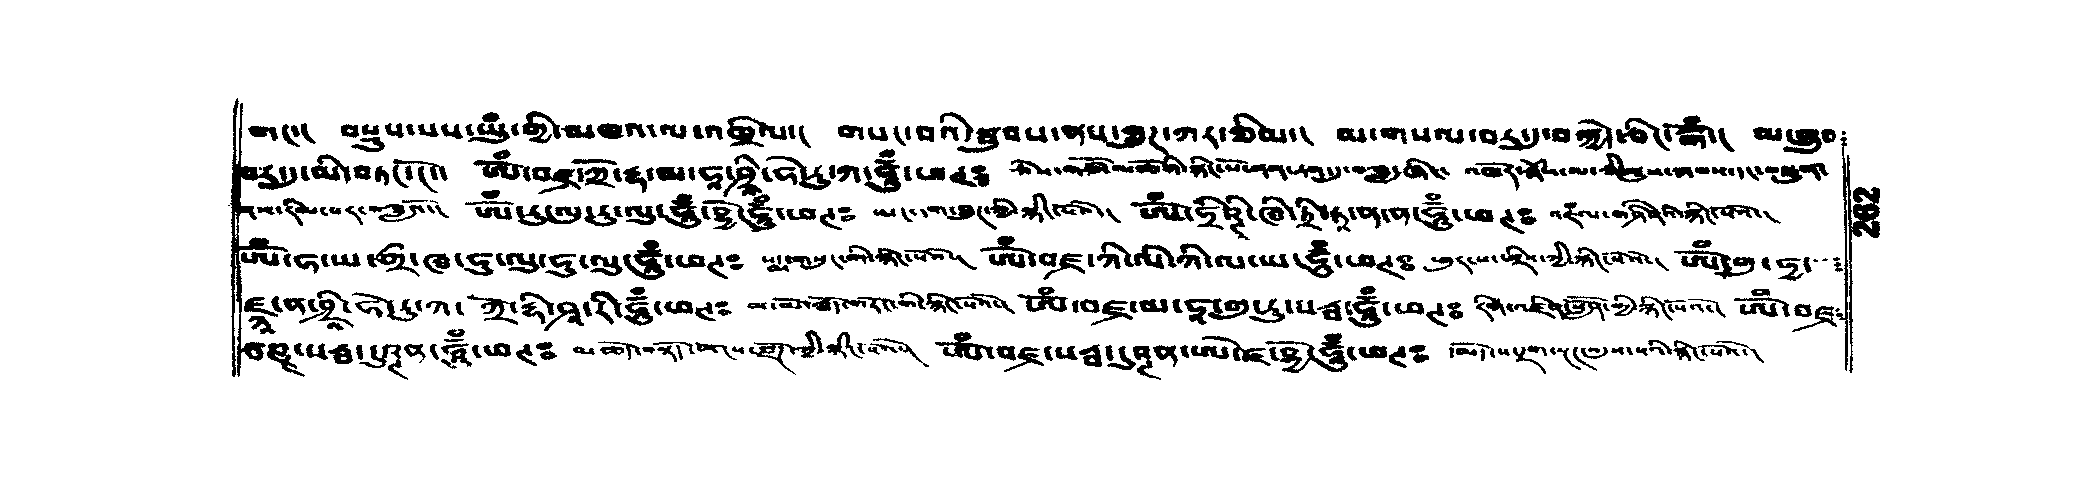གང་། བསྡུས་པས་ཡུམ་གྱི་མཁའ་ལ་འཁྲིལ། །གསང་བའི་སྦུབས་ནས་ཐུགས་ཀར་ཐིམ། །མ་གསལ་བར་དུ་བསྐྱེད་ཅིང་སྒོམ། །མ་ཐུབ་
བར་དུ་མི་བཏང་ངོ་། །ཨོཾ་བཛྲ་ཀྲོ་དྷ་མ་ཧཱ་ཤྲཱི་ཧེ་རུ་ཀ་ཧཱུྃ་ཕཊཿ ཅེས་གཙོ་མཆོག་གི་སྙིང་པོ་ནན་ཏན་དུ་བཟླ་ཞིང་། འཁོར་རྣམས་ལ་ཅི་ནུས་སྐབས་དང་བསྟུན་
ནས་རིམ་པར་བཟླའོ། ཨོཾ་རུ་ལུ་རུ་ལུ་ཧཱུྃ་བྷྱོ་ཧཱུྃ། ཡང་དག་ཐུགས་ཀྱི་སྙིང་པོའོ། ཨོཾ་ཧྲིཥྚི་ཝི་ཏྲི་ཏཱ་ན་ན་ཧཱུྃ་ཕཊཿ འཇམ་དཔལ་གཤིན་རྗེའི་སྙིང་པོའོ། 
ཨོཾ་ཧ་ཡ་གྲྀ་ཝ་ཧུ་ལུ་ཧུ་ལུ་ཧཱུྃ་ཕཊཿ པདྨ་གསུང་གི་སྙིང་པོའོ། ཨོཾ་བཛྲ་ཀི་ལི་ཀི་ལ་ཡ་ཧཱུྃ་ཕཊཿ ཕུར་པ་ཕྲིན་ལས་ཀྱི་སྙིང་པོའོ། ཨོཾ་གུ་ཧྱ་
ཛྙ་ན་ཤྲཱི་ཧེ་རུ་ཀ་ཀྲོ་དྷི་ཤྭ་རི་ཧཱུྃ་ཕཊཿ མ་མོ་རྦོད་གཏོང་གི་སྙིང་པོའོ། ཨོཾ་བཛྲ་མ་ཧཱ་གུ་རུ་སརྦ་ཧཱུྃ་ཕཊཿ རིག་འཛིན་སློབ་དཔོན་གྱི་སྙིང་པོའོ། ཨོཾ་བཛྲ་
ཙཎྜ་སརྦ་དུཥྚན་ཧཱུྃ་ཕཊཿམཆོད་བསྟོད་ཡོངས་རྫོགས་ཀྱི་སྙིང་པོའོ། ཨོཾ་བཛྲ་སརྦ་དུཥྚན་ཨེ་ཛ་བྷྱོ་ཧཱུྃ་ཕཊཿ དམོད་པ་དྲག་སྔགས་འདུས་པའི་སྙིང་པོའོ།